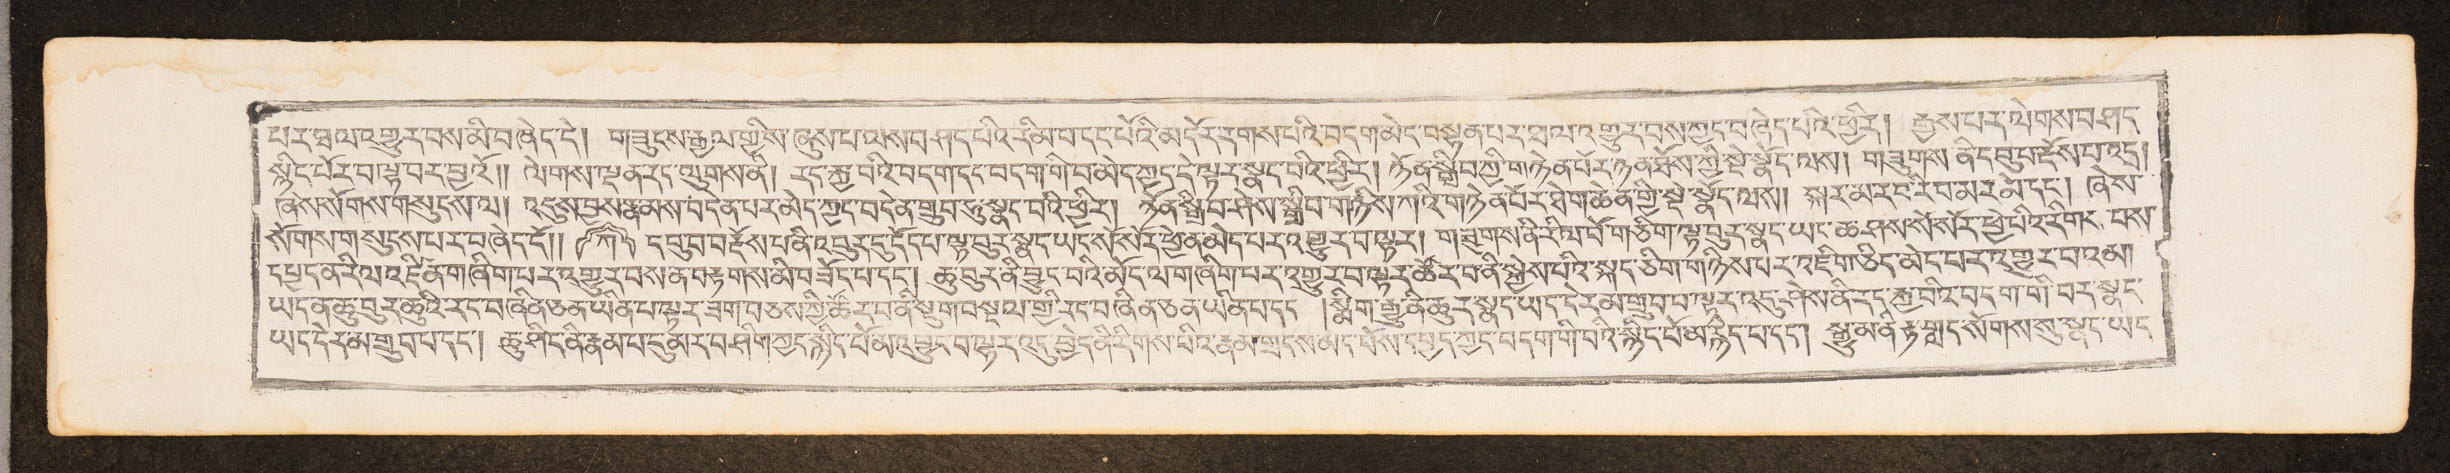པར་ཐལ་འགྱུར་བས་མི་བཞེད་དེ། གཟུངས་རྒྱལ་གྱིས་ཞུས་པ་ལས་བཤད་པའི་རིམ་པ་དང་པོའི་མདོར་རགས་པའི་བདག་མེད་བསྟན་པར་ཐལ་འགྱུར་བས་ཀྱང་བཞེད་པའི་ཕྱིར། རྒྱས་པར་ལེགས་བཤད་
སྙིང་པོར་བལྟ་བར་བྱའོ།། ལེགས་ལྡན་རང་ལུགས་ནི། རང་རྐྱ་བའི་བདག་དང་བདག་གི་བ་མེད་ཀྱང་དེ་ལྟར་སྣང་བའི་ཕྱིར། ཉོན་སྒྲིབ་ཀྱི་གཉེན་པོར་ཉན་ཐོས་ཀྱི་སྡེ་སྣོད་ལས། གཟུགས་ནི་དབུ་པ་རྔོས་པ་འདྲ།
ཞེས་སོགས་གསུངས་ལ། འདུས་བྱས་རྣམས་བདེན་པར་མེད་ཀྱང་བདེན་གྲུབ་ཏུ་སྣང་བའི་ཕྱིར། ཉོན་སྒྲིབ་ཤེས་སྒྲིབ་གཉིས་ཀཱི་གཉེན་པོར་ཐེག་ཆེན་གྱི་སྡེ་སྣོད་ལས། སྐར་མ་རབ་རི་བ་མར་མེ་དང་། ཞེས་
སོགས་གསུངས་པར་བཞེད་དོ།། ༼༽ཀ༼༽ དབུ་བ་བརྡོས་པ་ནི་འབུར་དུ་དོད་པ་ལྟ་བུར་སྣང་ཡང་སོ་སོར་ཕྱེ་ན་མེད་པར་འགྱུར་བ་ལྟར། གཟུགས་ནི་རིལ་པོ་གཅིག་ལྟ་བུར་སྣང་ཡང་ཆ་ཤས་སོ་སོར་ཕྱེ་བའི་རིགས་པས་
དཔྱད་ན་རིལ་འཛིན་གཞིག་པར་འགྱུར་བས་ན་བརྟགས་མི་བཟོད་པ་དང་། ཆུ་བུར་ནི་བྱུང་བའི་མོད་ལ་གཞིག་པར་འགྱུར་བ་ལྟར་ཚོར་བ་ནི་སྐྱེས་པའི་སྐད་ཅིག་གཉིས་པར་འཇིག་ཅིད་མེད་པར་འགྱུར་བའམ།
ཡང་ན་ཆུ་བུར་ཆུའི་རང་བཞིན་ཅན་ཡིན་པ་ལྟར་ཟག་བཅས་ཀྱི་ཚོར་བ་ནི་སྡུག་བསྔལ་གྱི་རང་བཞིན་ཅན་ཡིན་པ་དང་།སྨིག་རྒྱུ་ནི་ཆུར་སྣང་ཡད་དེར་མ་གྲུབ་པ་ལྟར་འདུ་ཤེས་ནི་རང་རྐྱ་བའི་བདག་གི་བར་སྣང་
ཡང་དེར་མ་གྲུབ་པ་དང་། ཆུ་ཤིང་ནི་རྣམ་པ་དུ་མར་བཤིག་ཀྱང་སྙིང་པོ་མ་འབྱུང་བ་ལྷར་འདུ་བྱེད་ནི་རིགས་པའི་རྣམ་གྲངས་མང་པོས་དཔྱད་ཀྱང་བདག་གི་བའི་སྙིང་པོ་མ་རྙེད་པ་དང་། སྒྱུ་མ་ནི་རྟ་གླང་སོགས་སུ་སྣང་ཡང་